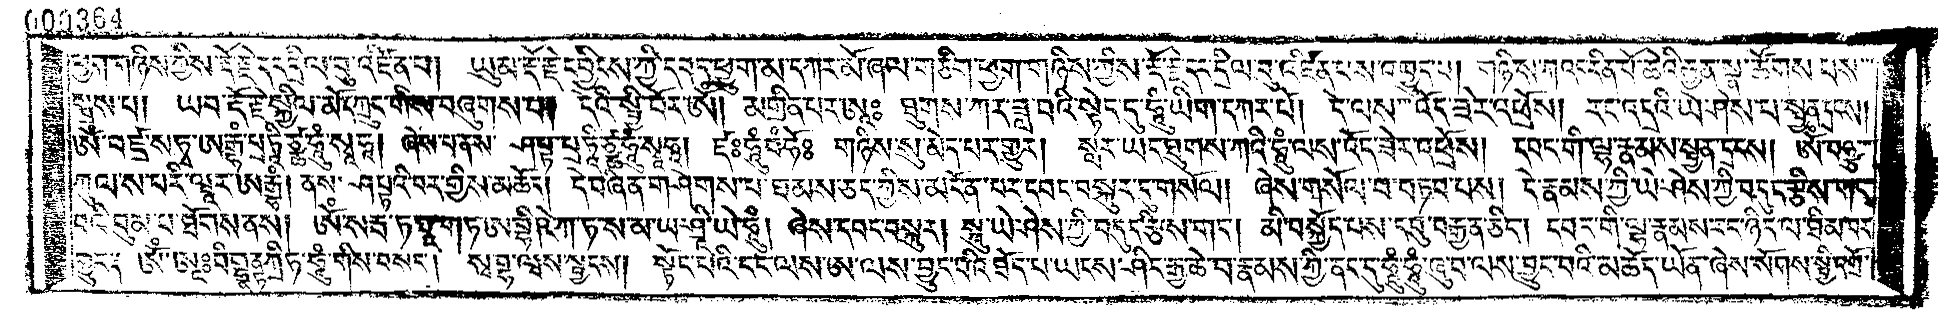ཕྱག་གཉིས་ཀྱིས་རྡོ་རྗེ་དང་དྲིལ་བུ་འཛིན་པ། ཡུམ་རྡོ་རྗེ་དབྱིངས་ཀྱི་དབང་ཕྱུག་མ་དཀར་མོ་ཞལ་གཅིག་ཕྱག་གཉིས་ཀྱིས་རྡོ་རྗེ་དང་དྲིལ་བུ་འཛིན་པས་འཁྱུད་པ། གཉིས་ཀའང་རིན་པོ་ཆེའི་རྒྱན་སྣ་ཚོགས་པས་
སྤྲས་པ། ཡབ་རྡོ་རྗེ་སྐྱིལ་མོ་དཀྲུང་གིས་བཞུགས་པ། དེའི་སྤྱི་བོར་ཨོཾ། མགྲིན་པར་ཨཱཿ ཐུགས་ཀར་ཟླ་བའི་སྟེང་དུ་ཧཱུཾ་ཡིག་དཀར་པོ། དེ་ལས་འོད་ཟེར་འཕྲོས། རང་འདྲའི་ཡེ་ཤེས་པ་སྤྱན་དྲངས།
ཨོཾ་བཛྲ་སཏྭ་ཨ་རྒྷཾ་པྲཏཱི་ཙྪ་ཧཱུཾ་སྭཱ་ཧཱ། ཞེས་པ་ནས་ཤཔྟ་པྲ་ཏཱི་ཙྪ་ཧཱུཾ་སྭཱ་ཧཱ། ཛཿ ཧཱུཾ་བཾ་ཧོཿ གཉིས་སུ་མེད་པར་གྱུར། སླར་ཡང་ཐུགས་ཀའི་ཧཱུཾ་ལས་འོད་ཟེར་འཕྲོས། དབང་གི་ལྷ་རྣམས་སྤྱན་དྲངས། ཨོཾ་བཉྩ་
ཀུལ་ས་པ་རི་ཝཱར་ཨརྒྷཾ། ནས་ཤཔྟའི་བར་གྱིས་མཆོད། དེ་བཞིན་གཤེགས་པ་ཐམས་ཅད་ཀྱིས་མངོན་པར་དབང་བསྐུར་དུ་གསོལ། ཞེས་གསོལ་བ་བཏབ་པས། དེ་རྣམས་ཀྱི་ཡེ་ཤེས་ཀྱི་བདུད་རྩིས་གང་
བའི་བུམ་པ་ཐོགས་ནས། ཨོཾ་སརྦ་ཏ་ཐཱ་ག་ཏ་ཨ་བྷི་ཥེ་ཀ་ཏ་ས་མ་ཡ་ཤྲཱི་ཡེ་ཧཱུཾ། ཞེས་དབང་བསྐུར། སྐུ་ཡེ་ཤེས་ཀྱི་བདུད་རྩིས་གང་། མི་བསྐྱོད་པས་དབུ་བརྒྱན་ཅིང་། དབང་གི་ལྷ་རྣམས་རང་ཉིད་ལ་ཐིམ་པར་
གྱུར༑ ཨོཾ་ཨཱཿ བིགྷྞྣྟ་ཀྲི་ཏ་ཧཱུཾ་གིས་བསང་། སྭ་བྷ་ཝས་སྦྱངས།  སྟོང་པའི་ངང་ལས་ཨ་ལས་བྱུང་བའི་ཐོད་པ་ཡངས་ཤིང་རྒྱ་ཆེ་བ་རྣམས་ཀྱི་ནང་དུ་ཧཱུཾ་ཧཱུཾ་ཞུ་བ་ལས་བྱུང་བའི་མཆོད་ཡོན་ཞེས་སོགས་སྤྱི་འགྲོ་